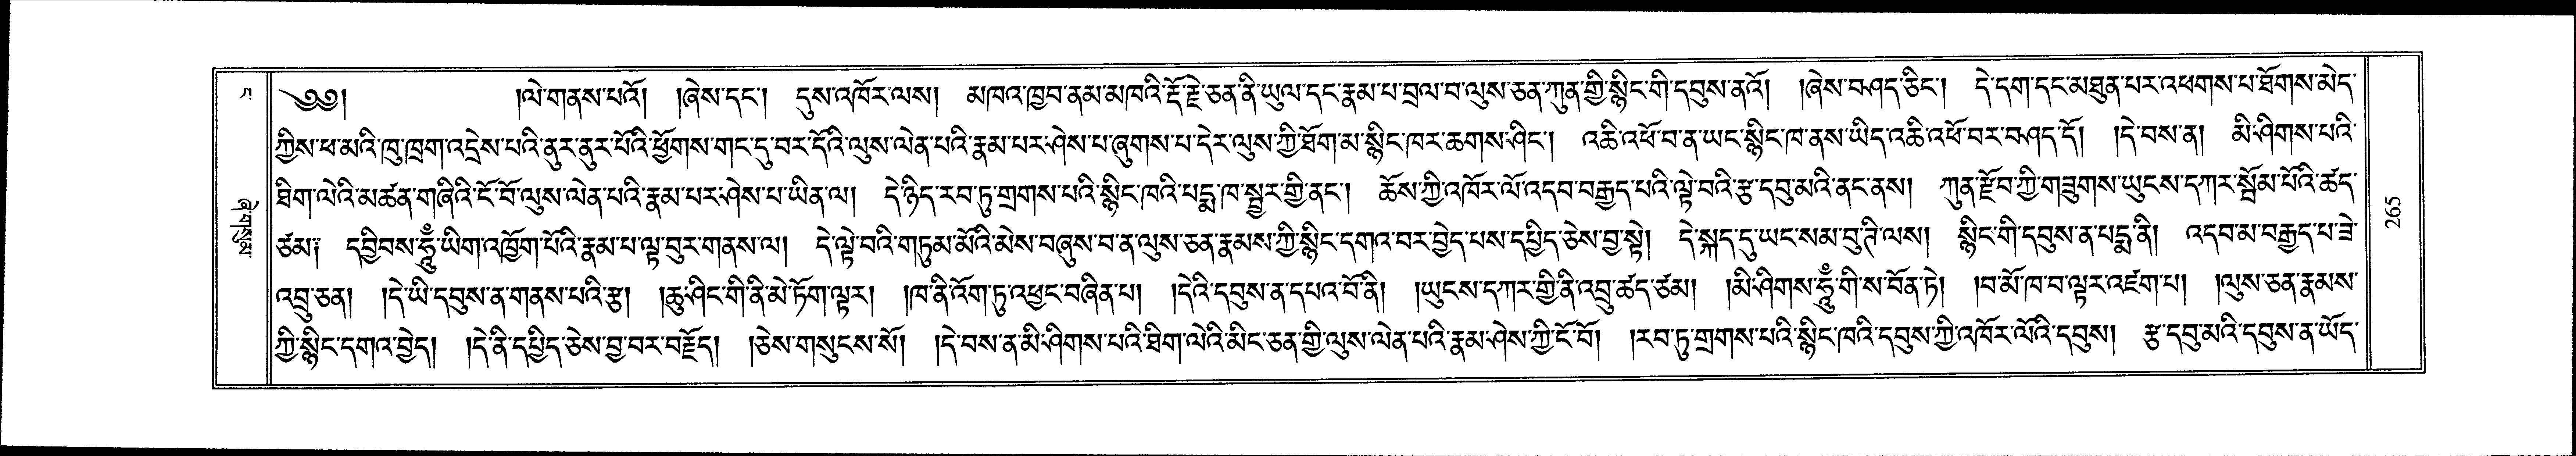༄༅། །ལེ་གནས་པའོ། །ཞེས་དང་། དུས་འཁོར་ལས། མཁའ་ཁྱབ་ནམ་མཁའི་རྡོ་རྗེ་ཅན་ནི་ཡུལ་དང་རྣམ་པ་བྲལ་བ་ལུས་ཅན་ཀུན་གྱི་སྙིང་གི་དབུས་ནའོ། །ཞེས་བཤད་ཅིང་། དེ་དག་དང་མཐུན་པར་འཕགས་པ་ཐོགས་མེད་
ཀྱིས་ཕ་མའི་ཁུ་ཁྲག་འདྲེས་པའི་ནུར་ནུར་པོའི་ཕྱོགས་གང་དུ་བར་དོའི་ལུས་ལེན་པའི་རྣམ་པར་ཤེས་པ་ཞུགས་པ་དེར་ལུས་ཀྱི་ཐོག་མ་སྙིང་ཁར་ཆགས་ཤིང་། འཆི་འཕོ་བ་ན་ཡང་སྙིང་ཁ་ནས་ཡིད་འཆི་འཕོ་བར་བཤད་དོ། །དེ་བས་ན། མི་ཤིགས་པའི་
ཐིག་ལེའི་མཚན་གཞིའི་ངོ་བོ་ལུས་ལེན་པའི་རྣམ་པར་ཤེས་པ་ཡིན་ལ། དེ་ཉིད་རབ་ཏུ་གྲགས་པའི་སྙིང་ཁའི་པདམ་ཁ་སྦྱར་གྱི་ནང་། ཆོས་ཀྱི་འཁོར་ལོ་འདབ་བརྒྱད་པའི་ལྟེ་བའི་རྩ་དབུ་མའི་ནང་ནས། ཀུན་རྫོབ་ཀྱི་གཟུགས་ཡུངས་དཀར་སྤོམ་པོའི་ཚད་ཙམ། དབྱིབས་ཧཱུཾ་ཡིག་འཁྱོག་པོའི་རྣམ་པ་ལྟ་བུར་གནས་ལ། དེ་ལྟེ་བའི་གཏུམ་མོའི་མེས་བཞུས་བ་ན་ལུས་ཅན་རྣམས་ཀྱི་སྙིང་དགའ་བར་བྱེད་པས་དཔྱིད་ཅེས་བྱ་སྟེ། དེ་སྐད་དུ་ཡང་སམ་བུ་ཊི་ལས། སྙིང་གི་དབུས་ན་པདམ་ནི། འདབ་མ་བརྒྱད་པ་ཟེ་
འབྲུ་ཅན། །དེ་ཡི་དབུས་ན་གནས་པའི་རྩ། །ཆུ་ཤིང་གི་ནི་མེ་ཏོག་ལྟར། །ཁ་ནི་འོག་ཏུ་འཕྱང་བཞིན་པ། །དེའི་དབུས་ན་དཔའ་བོ་ནི། །ཡུངས་དཀར་གྱི་ནི་འབྲུ་ཚད་ཙམ། །མི་ཤིགས་ཧཱུཾ་གི་ས་བོན་ཏེ། །བ་མོ་ཁ་བ་ལྟར་འཛག་པ། །ལུས་ཅན་རྣམས་
ཀྱི་སྙིང་དགའ་བྱེད། །དེ་ནི་དཔྱིད་ཅེས་བྱ་བར་བརྗོད། །ཅེས་གསུངས་སོ། །དེ་བས་ན་མི་ཤིགས་པའི་ཐིག་ལེའི་མིང་ཅན་གྱི་ལུས་ལེན་པའི་རྣམ་ཤེས་ཀྱི་ངོ་བོ། །རབ་ཏུ་གྲགས་པའི་སྙིང་ཁའི་དབུས་ཀྱི་འཁོར་ལོའི་དབུས། རྩ་དབུ་མའི་དབུས་ན་ཡོད་